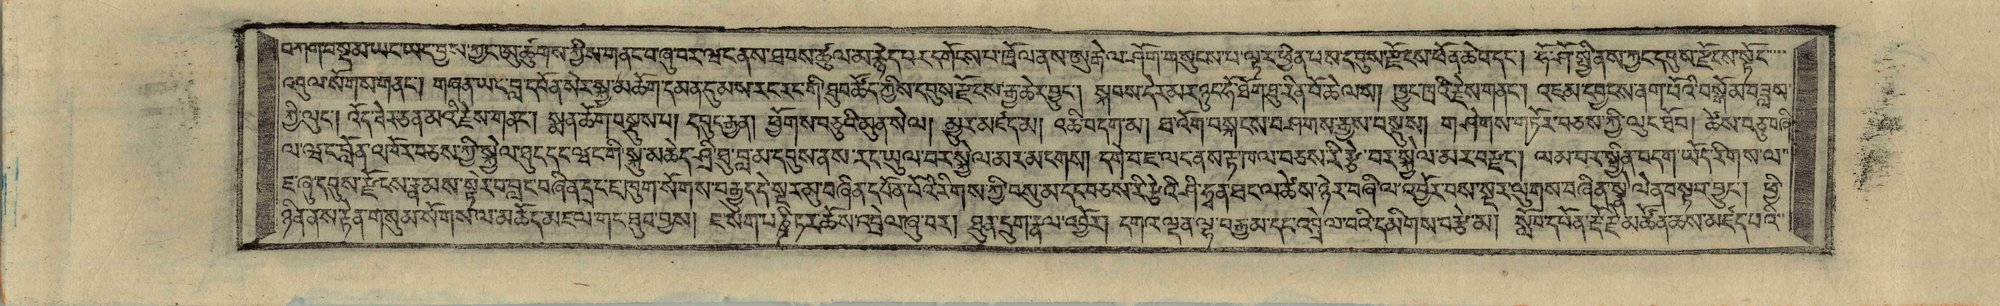བཀག་བསྡམ་ཡང་ཡང་བྱས་ཀྱང་ཨུ་ཚུགས་ཀྱིས་གནང་བ་ཞུ་བར་ཝང་ནས་ཐབས་ཚུལ་མ་རྙེད་པར་དགོངས་པ་ཁྲོལ་ནས་ཨུ་རྒེ་ལ་ཤོག་གསུངས་པ་ལྟར་ཕྱིན་པས་དབུས་རྫོངས་ཕོན་ཆེ་བ་དང་། ཧོ་ཤོ་སྤྱི་ནས་ཀྱང་དབུས་རྫོངས་སྟོང་
འབུལ་སོགས་གནང་། གཞན་ཡང་བླ་དཔོན་སེར་སྐྱ་མཆོག་དམན་དུ་མས་རང་རང་གི་ཐུབ་ཚོད་ཀྱིས་དབུས་རྫོངས་རྒྱ་ཆེར་བྱུང་། སྐབས་དེར་མར་ཉུང་ཧོ་ཐོག་ཐུ་རིན་པོ་ཆེ་ལས། ཁྱུང་ཁྲའི་རྗེས་གནང་། འཇམ་དབྱངས་ནག་པོའི་བསྒོམ་བཟླས་
ཀྱི་ལུང་། འོད་ཟེར་ཅན་མའི་རྗེས་གནང་། སྨན་ཆོག་བསྡུས་པ། དཔུང་རྒྱན། ཕྱོགས་བཅུའི་མུན་སེལ། མྱུར་མཛད་མ། འཆི་བདག་མ། ཐ་འོག་བསྐངས་བཤགས་རྒྱས་བསྡུས། གཤེགས་གཏོར་བཅས་ཀྱི་ལུང་ཐོབ། ཚེས་བཅུ་བཞི་
ལ་ཝང་བློན་འཁོར་བཅས་ཀྱི་སྐྱེལ་ཐུང་དང་ཝང་གི་སྐུ་མཆེད་ཤྲི་ཐུ་བླ་མ་དབུས་ནས་རང་ཡུལ་བར་སྐྱེལ་མར་མངགས། དགེ་བ་ཇ་ལང་ནས་རྟ་ཁལ་བཅས་རི་རྩེ་བར་སྐྱེལ་མར་བརྫང་། ལམ་བར་སྦྱིན་བདག་ཡོད་རིགས་ལ་
ཇ་ཞུ་དབུས་རྫོངས་རྣམས་སྟེར་བ་བླང་བཞིན་དྲང་ཇ་ཁུག་སོགས་བརྒྱུད་དེ་སྔར་མུ་བཞིན་དཔོན་པོའི་རིགས་ཀྱི་བསུ་མ་དང་བཅས་རི་རྩེའི་ཤི་ཧྭན་ཐང་ལ་ཚེས་ཉེར་བཞི་ལ་འབྱོར་བས་སྔར་ལུགས་བཞིན་སྣེ་ལེན་བསྟབ་བྱུང་། ཕྱི་
ཉིན་ནས་རྟེན་གསུམ་སོགས་ལ་མཆོད་མཇལ་གང་ཐུབ་བྱས། ཇ་སག་པཎྜི་ཏར་ཆོས་འབྲེལ་ཞུ་བར། ཐུན་དྲུག་རྣལ་འབྱོར། དགའ་ལྡན་ལྷ་བརྒྱ་མ་དང་འབྲེལ་བའི་དམིགས་བརྩེ་མ། སློབ་དཔོན་རྡོ་རྗེ་མཚོན་ཆས་མཛད་པའི་